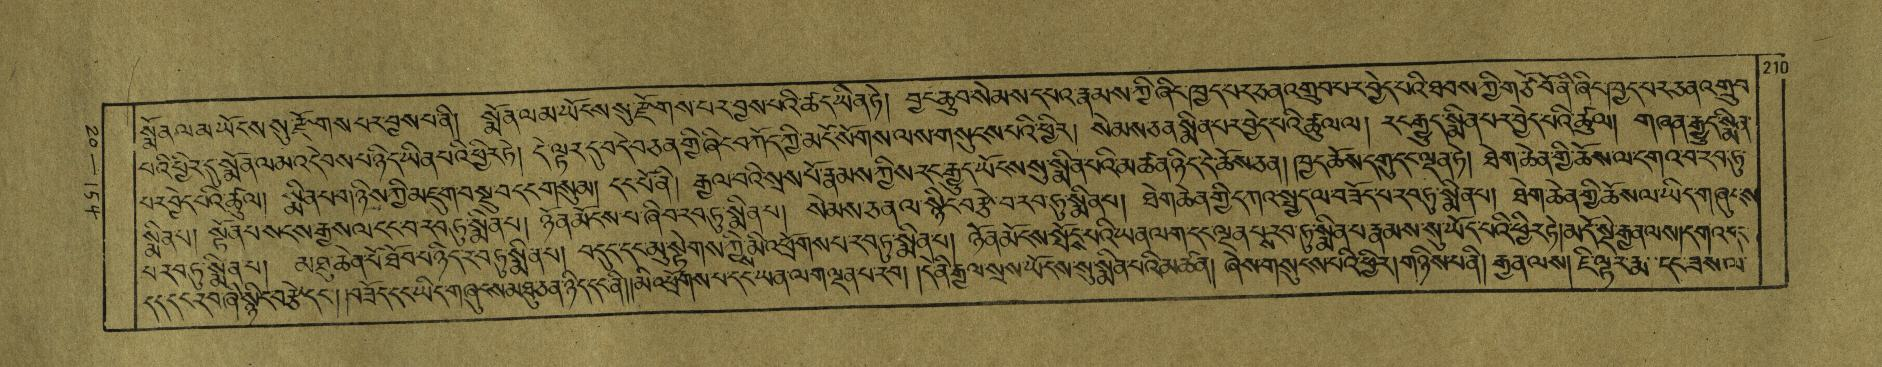སྨོན་ལམ་ཡོངས་སུ་རྫོགས་པར་བྱས་པ་ནི། སྨོན་ལམ་ཡོངས་སུ་རྫོགས་པར་བྱས་པའི་ཚད་ཡིན་ཏེ། བྱང་ཆུབ་སེམས་དཔའ་རྣམས་ཀྱི་ཞིང་ཁྱད་པར་ཅན་འགྲུབ་པར་བྱེད་པའི་ཐབས་ཀྱི་གཙོ་བོ་ནི་ཞིང་ཁྱད་པར་ཅན་འགྲུབ་
པའི་ཕྱིར་དུ་སྨོན་ལམ་འདེབས་པ་ཉིད་ཡིན་པའི་ཕྱིར་ཏེ། དེ་ལྟར་དུ་བདེ་བ་ཅན་གྱི་ཞིང་བཀོད་ཀྱི་མདོ་སོགས་ལས་གསུངས་པའི་ཕྱིར། སེམས་ཅན་སྨིན་པར་བྱེད་པའི་ཚུལ་ལ། རང་རྒྱུད་སྨིན་པར་བྱེད་པའི་ཚུལ། གཞན་རྒྱུད་སྨིན་
པར་བྱེད་པའི་ཚུལ། སྨིན་པ་གཉིས་ཀྱི་མཇུག་བསྡུ་བ་དང་གསུམ། དང་པོ་ནི། རྒྱལ་བའི་སྲས་པོ་རྣམས་ཀྱིས་རང་རྒྱུད་ཡོངས་སུ་སྨིན་པའི་མཚན་ཉིད་དེ་ཆོས་ཅན། ཁྱད་ཆོས་དགུ་དང་ལྡན་ཏེ། ཐེག་ཆེན་གྱི་ཆོས་ལ་དགའ་བ་རབ་ཏུ་
སྨིན་པ། སྟོན་པ་སངས་རྒྱས་ལ་ངང་བ་རབ་ཏུ་སྨིན་པ། ཉོན་མོངས་པ་ཞི་བ་རབ་ཏུ་སྨིན་པ། སེམས་ཅན་ལ་སྙིང་བརྩེ་བ་རབ་ཏུ་སྨིན་པ། ཐེག་ཆེན་གྱི་དཀའ་སྤྱད་ལ་བཟོད་པ་རབ་ཏུ་སྨིན་པ། ཐེག་ཆེན་གྱི་ཆོས་ལ་ཡིད་གཞུངས་
པ་རབ་ཏུ་སྨིན་པ། མཐུ་ཆེན་པོ་ཐོབ་པ་ཉིད་རབ་ཏུ་སྨིན་པ། བདུད་དང་མུ་སྟེགས་ཀྱིས་མི་འཕྲོགས་པ་རབ་ཏུ་སྨིན་པ། ཉོན་མོངས་སྤོངས་པའི་ཡན་ལག་དང་ལྡན་པས་རབ་ཏུ་སྨིན་པ་རྣམས་སུ་ཡོད་པའི་ཕྱིར་ཏེ། མདོ་སྡེ་རྒྱན་ལས། དགའ་དང་
དད་དང་རབ་ཞི་སྙིང་བརྩེ་དང་། །བཟོད་དང་ཡིད་གཞུངས་མཐུ་ཅན་ཉིད་དང་ནི། །མི་འཕྲོགས་པ་དང་ཡན་ལག་ལྡན་པ་རབ། །དེ་ནི་རྒྱལ་སྲས་ཡོངས་སུ་སྨིན་པའི་མཚན། ཞེས་གསུངས་པའི་ཕྱིར། གཉིས་པ་ནི། རྒྱན་ལས། ཇི་ལྟར་རྨ་དང་ཟས་ལ་